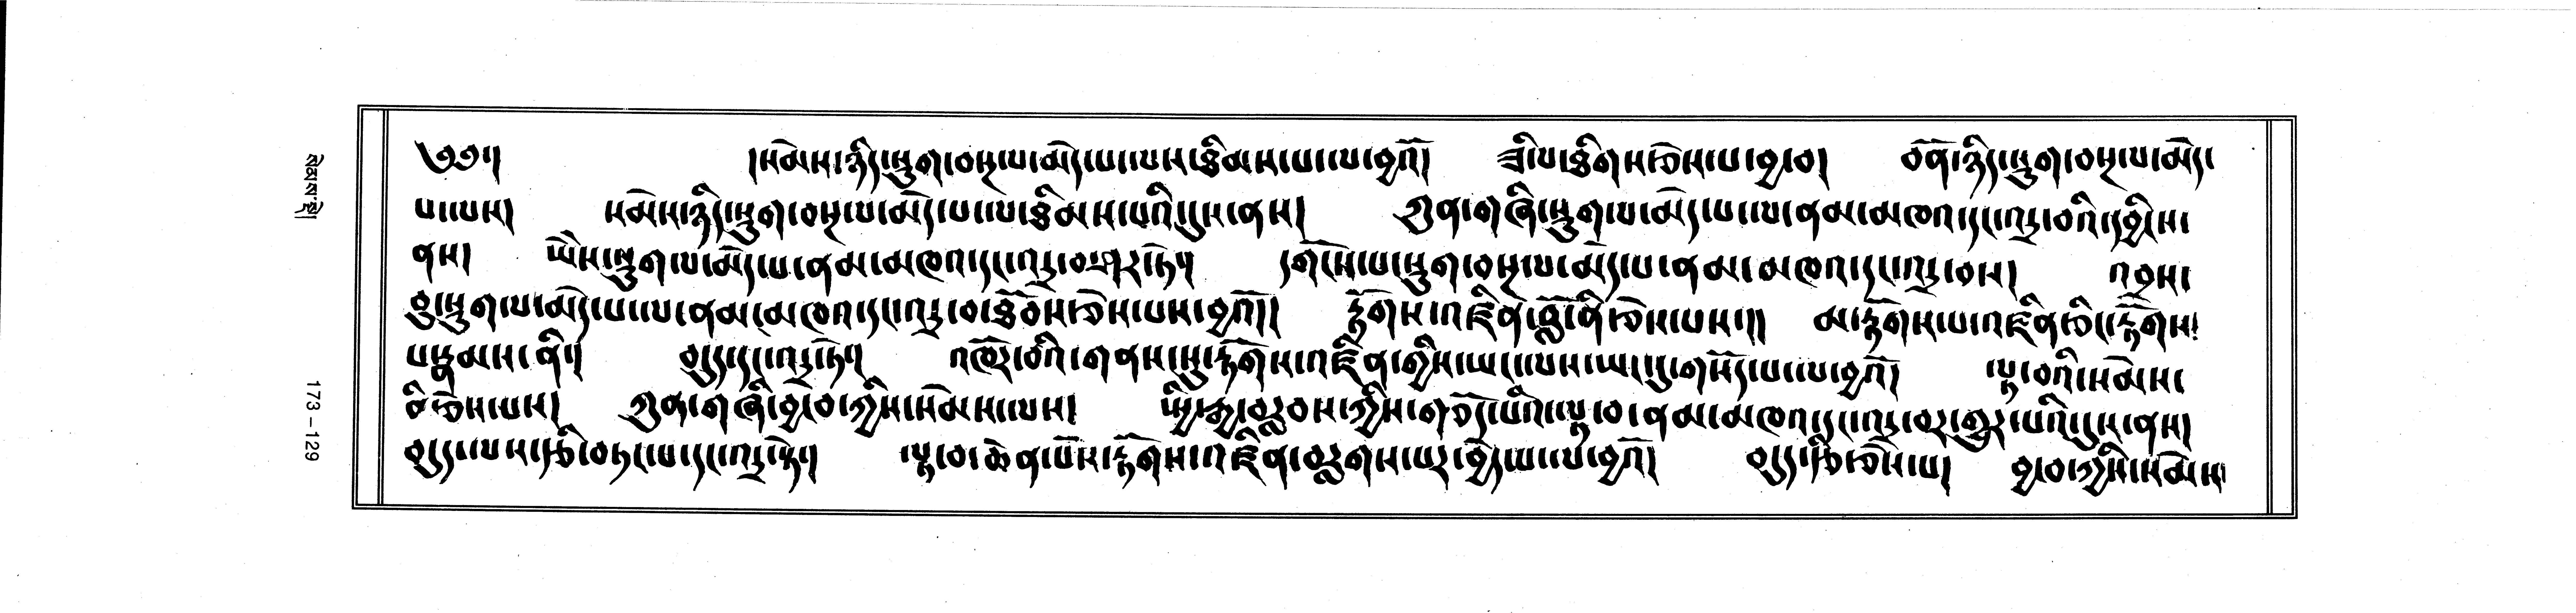སེམས་ཉིད་སྡུག་བསྔལ་མེད་པ་ལས་ཐིམ་པ་ལ་བྱའོ། ། ཟིལ་ཐིག་ཅེས་བྱ་བ། བོན་ཉིད་སྡུག་བསྔལ་མེད་
པ་ལ། སེམས་ཉིད་སྡུག་བསྔལ་མེད་པ་ཐིམ་པའི་དུས་ན། ཀུན་གཞི་སྡུག་བསྔལ་མེད་པ་ནམ་མཁའ་དང་འདྲ་བའི་དབྱིངས་
ནས། ཡེ་ཤེས་སྡུག་བསྔལ་མེད་པ་ནམ་མཁའ་དང་འདྲ་བ་ཤར་ཏེ། དགོངས་པ་སྡུག་བསྔལ་མེད་པ་ནམ་མཁའ་དང་འདྲ་བས། འབྲས་
བུ་སྡུག་བསྔལ་མེད་པ་ནམ་མཁའ་དང་འདྲ་བ་ཐོབ་ཅེས་བྱའོ། །རྟོག་འཛིན་བློ་ནི་ཅེས་པས། མ་རྟོགས་པ་འཛིན་ཅིང་རྟོགས་
པ་རྣམས་ནི། བདུད་དང་འདྲ་སྟེ་འཁོར་བའི་གནས་སུ་རྟོག་འཛིན་གྱི་ཡང་ནས་ཡང་དུ་གསོད་པ་ལ་བྱའོ། །ལྟ་བའི་སེམས་
ནི་ཅེས་པས། ཀུན་གཞི་བྱང་ཆུབ་ཀྱི་སེམས་ལས་སྤྱི་རྒྱ་རླབས་ཀྱིས་གཅོད་པའི་ལྟ་བ་ནམ་མཁའ་དང་འདྲ་བར་གྱུར་པའི་དུས་ནས། 
བདུད་ལས་རྩི་བཏང་བ་དང་འདྲ་སྟེ། ལྟ་བ་ཆེན་པོས་རྟོག་འཛིན་བརླག་པར་བྱེད་པ་ལ་བྱའོ། །བདུད་རྩི་ཅེས་པ་བྱང་ཆུབ་ཀྱི་སེམས་